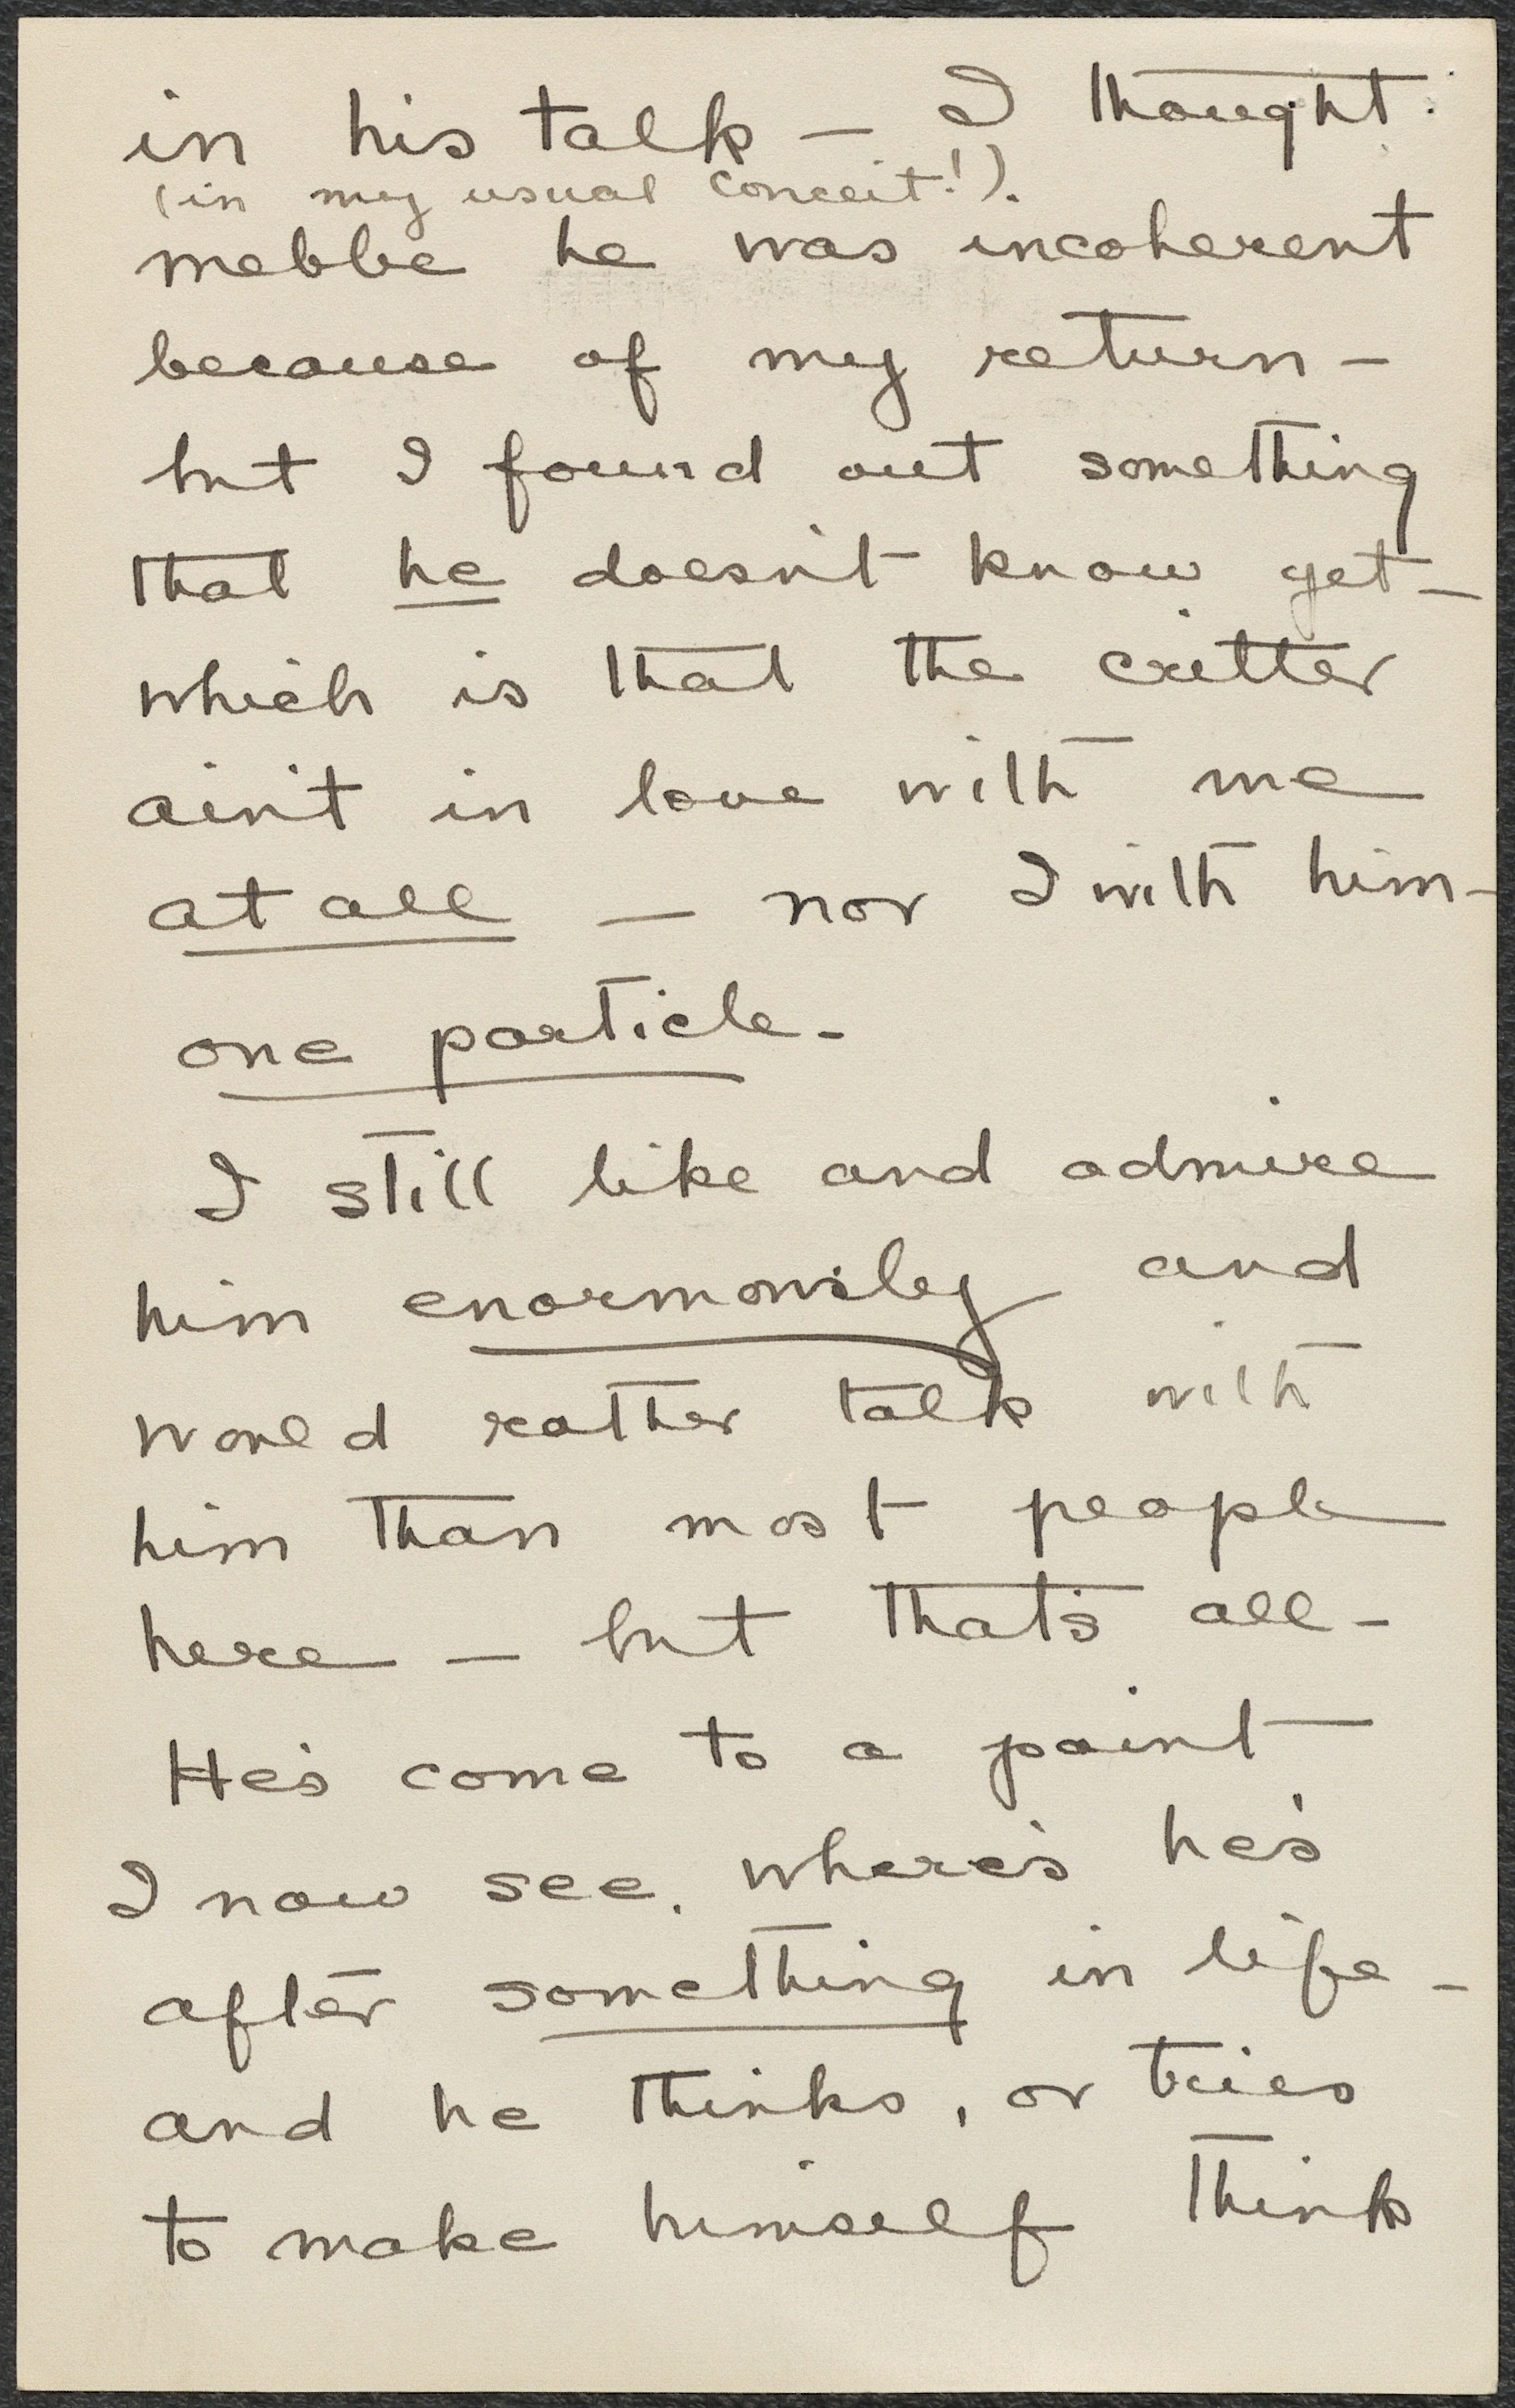in his talk – I thought [^(in my usual conceit!)^] mebbe he was incoherent because of my return – but I found out something that he doesn’t know yet – which is that the critter ain't in love with me at all – nor I with him – one particle.
I still like and admire him enormously and would rather talk with him than most people here – but that’s all –
He’s come to a point I now see, where's [sic] he’s after something in life – and he thinks, or tries to make himself think